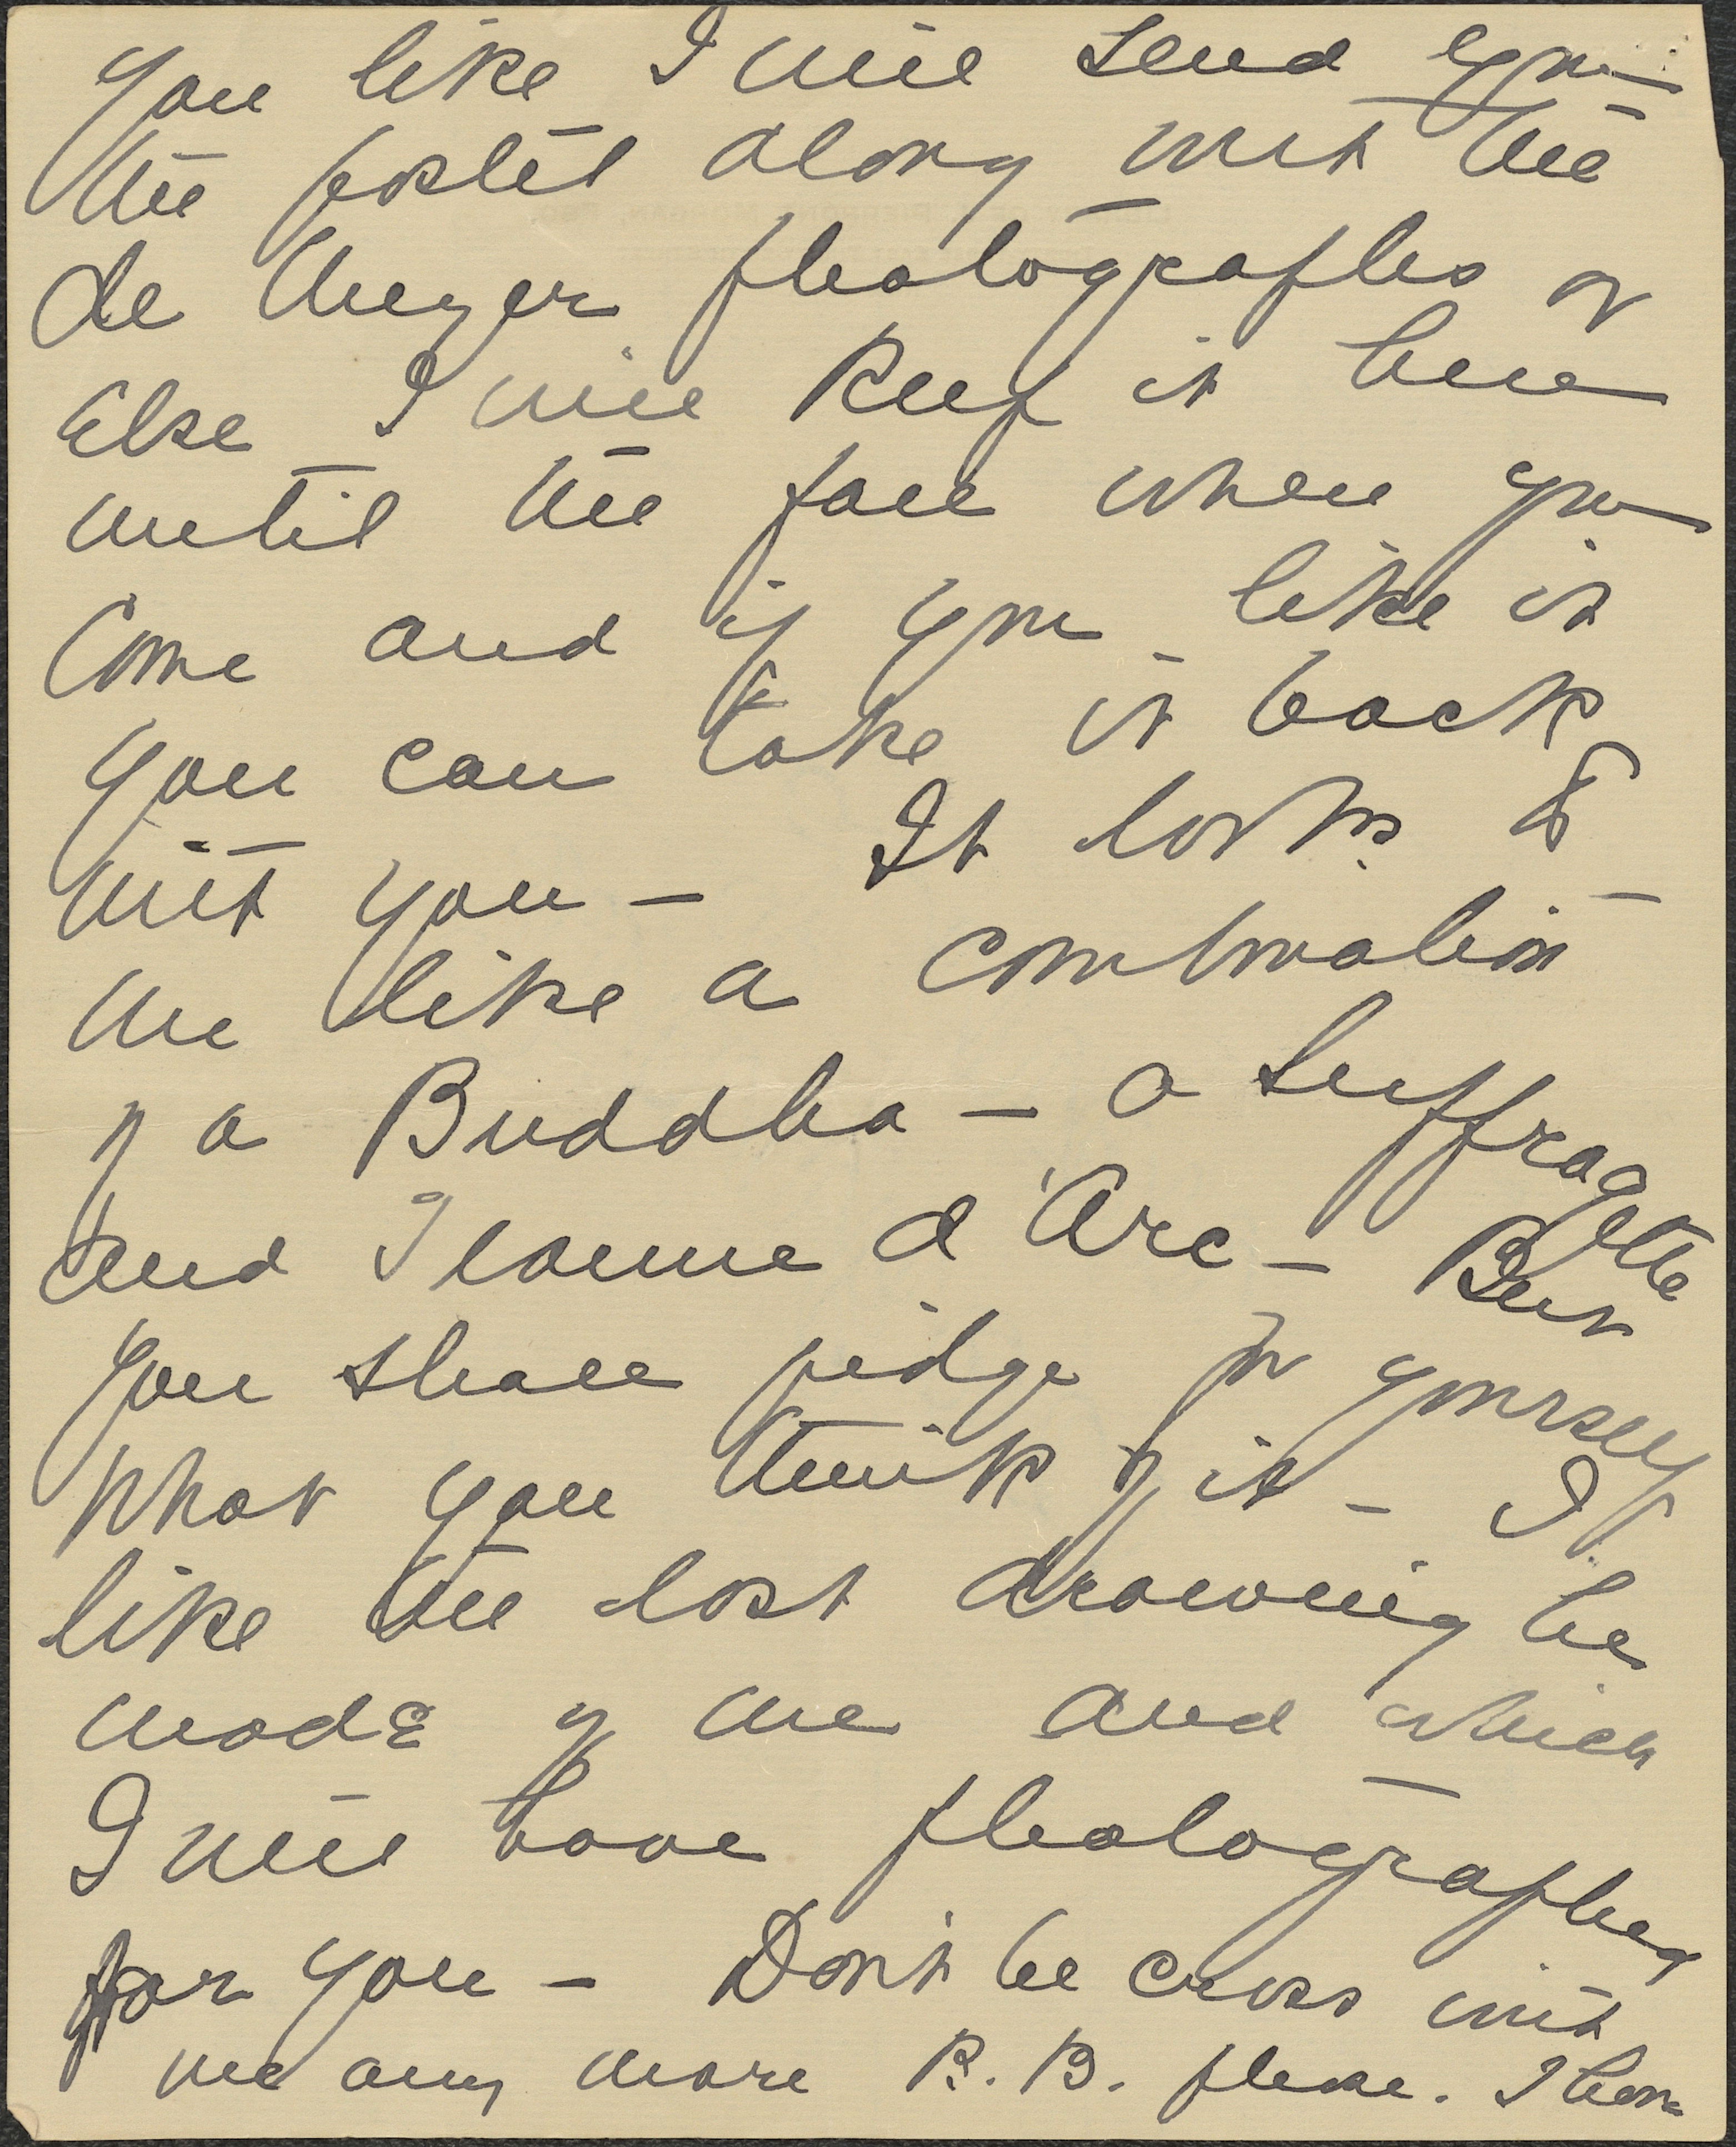you like I will send you the pastel along with the de Meyer photographs or else I will keep it here until the fall when you come and if you like it you can take it back with you – It looks to me like a combination of a Buddha – a suffragette and Jeanne d’Arc – But you shall judge for yourself what you think of it – I like the last drawing he made of me and which I will have photographed for you – Don’t be cross with me any more B.B. please. I have